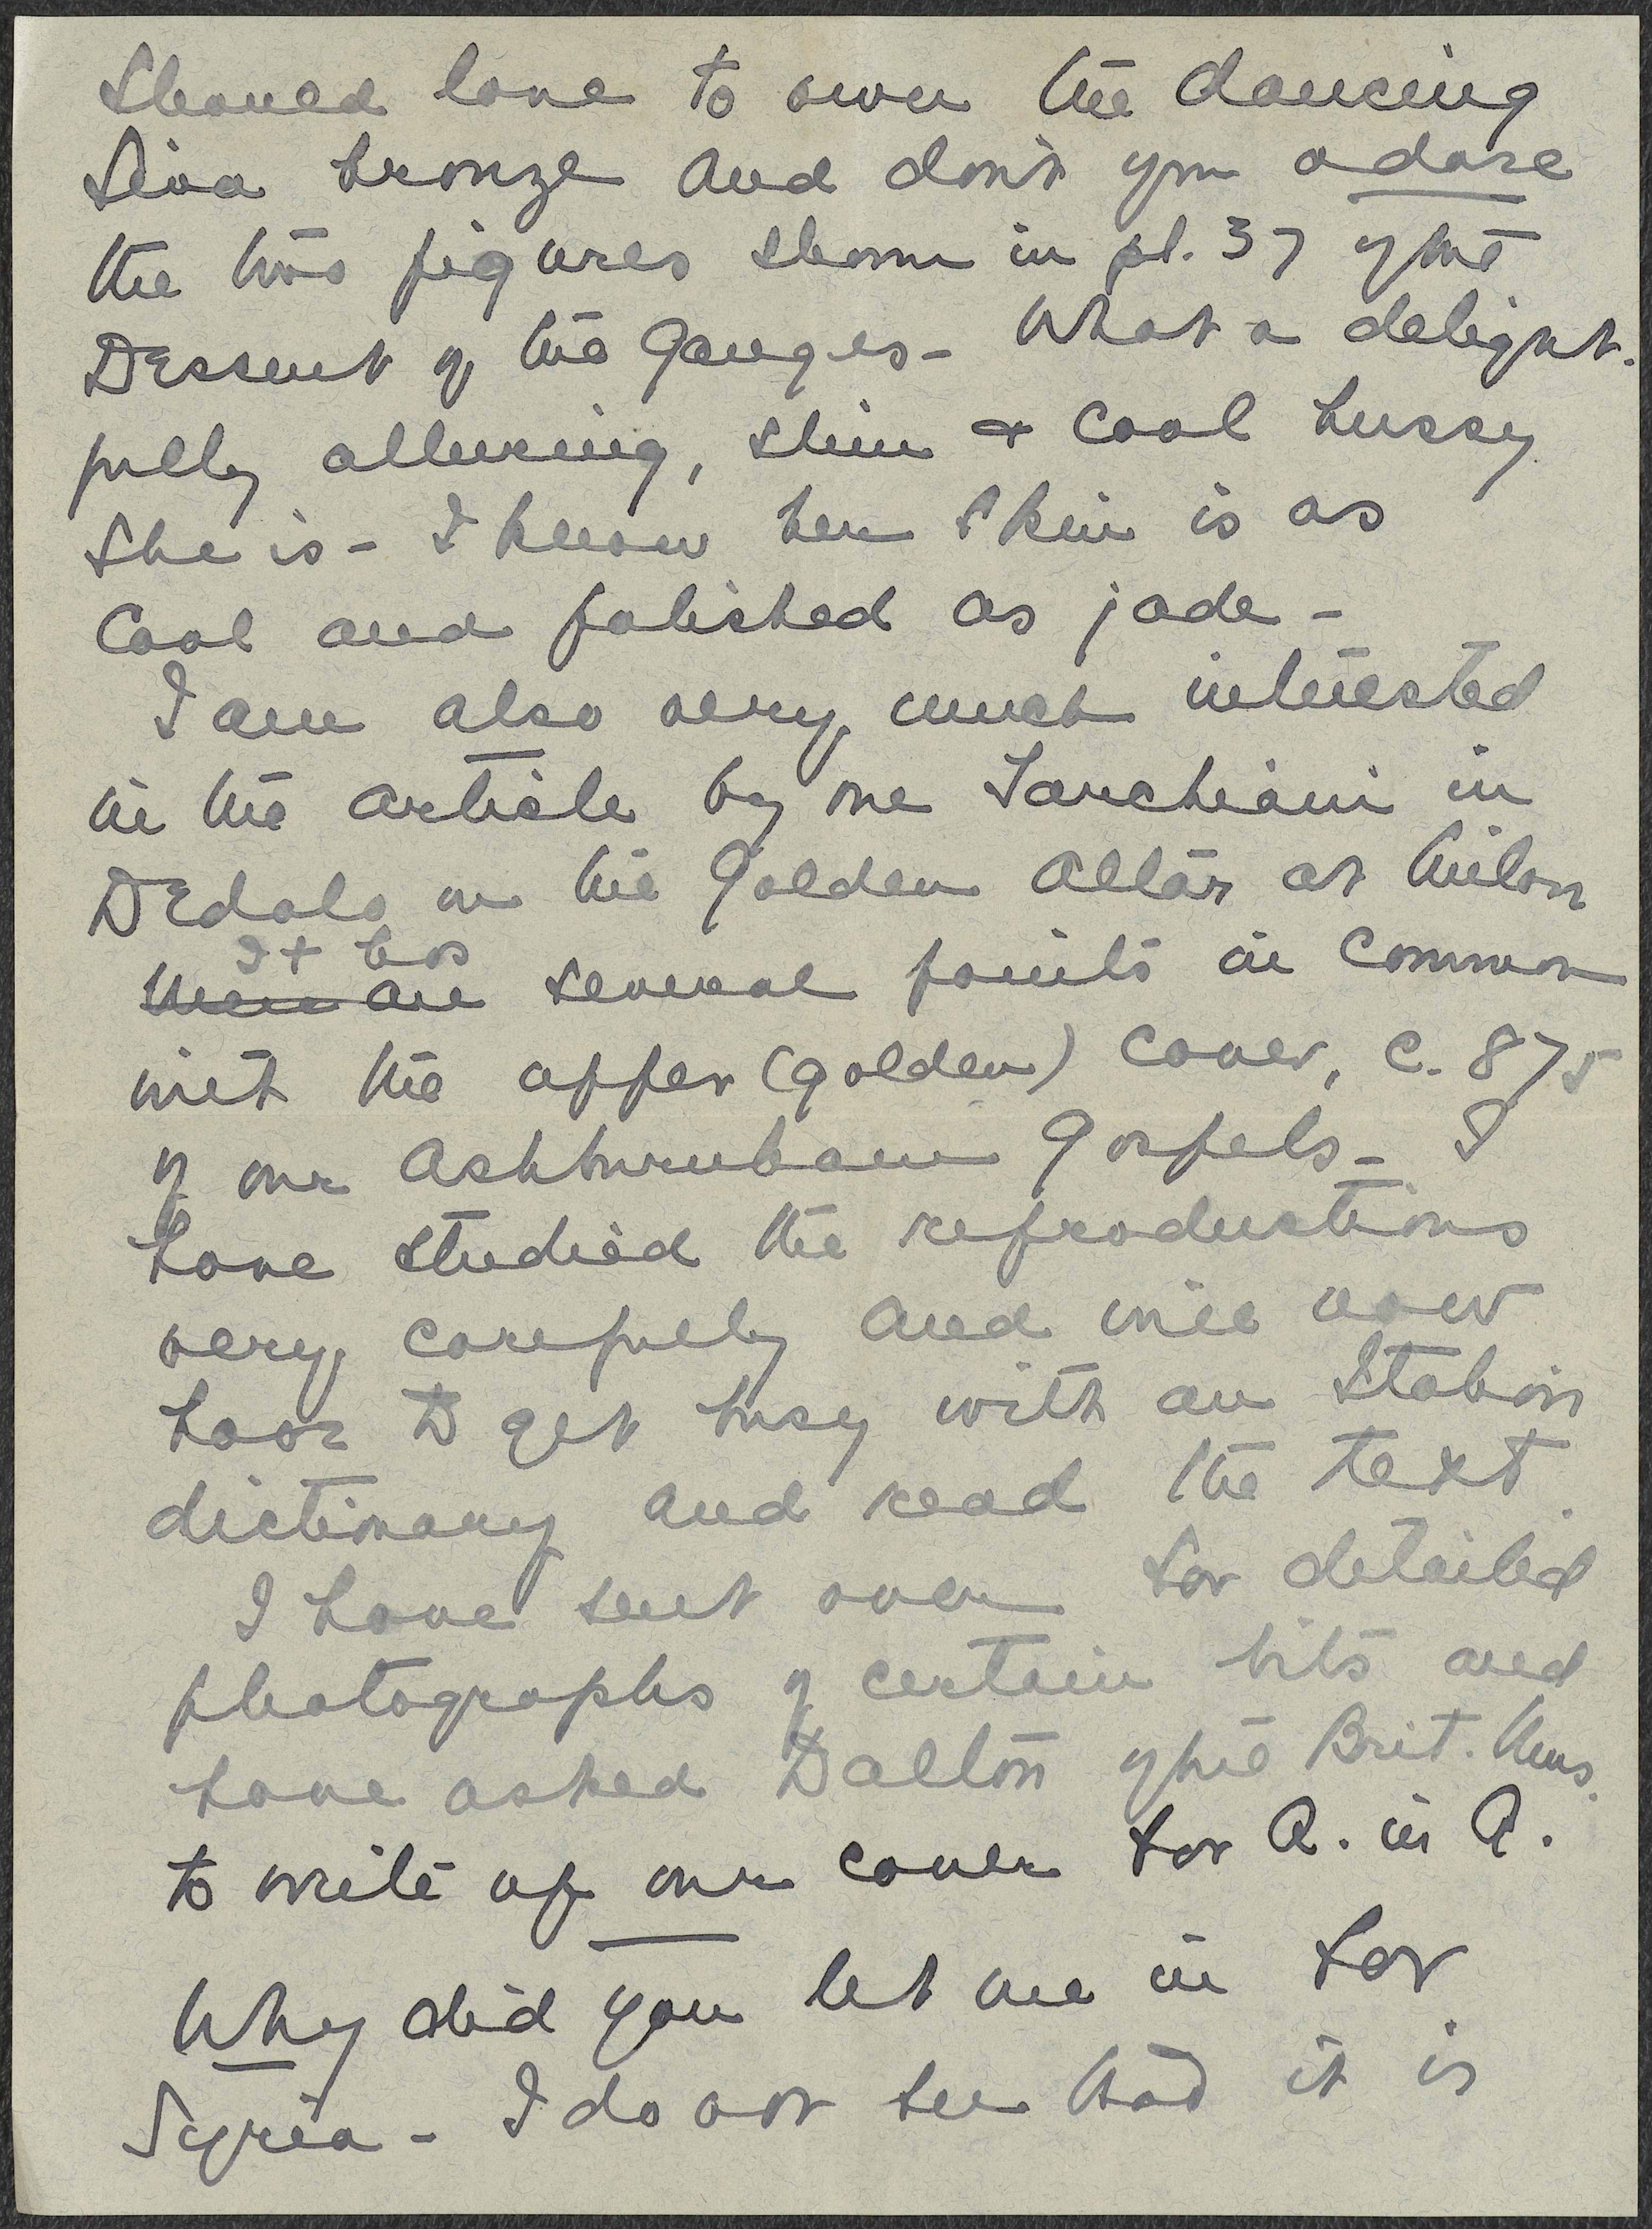should love to own the dancing Siva bronze and don’t you adore the two figures shown in pl. 37 of the Descent of the Ganges – What a delightfully alluring, slim & cool hussy she is – I know her skin is as cool and polished as jade –
I am also very much interested in the article by one Sarchiani in Dedalo on the Golden Altar at Milan
There are [^It has^] several points in common with the upper (golden) cover, c. 875 of our Ashburnham Gospels – I have studied the reproductions very carefully and will now have to get busy with an Italian dictionary and read the text.
I have sent over for detailed photographs of certain bits and have asked Dalton of the Brit. Mus. to write up our cover for A. in A.
Why did you let me in for Syria – I do not see that it is